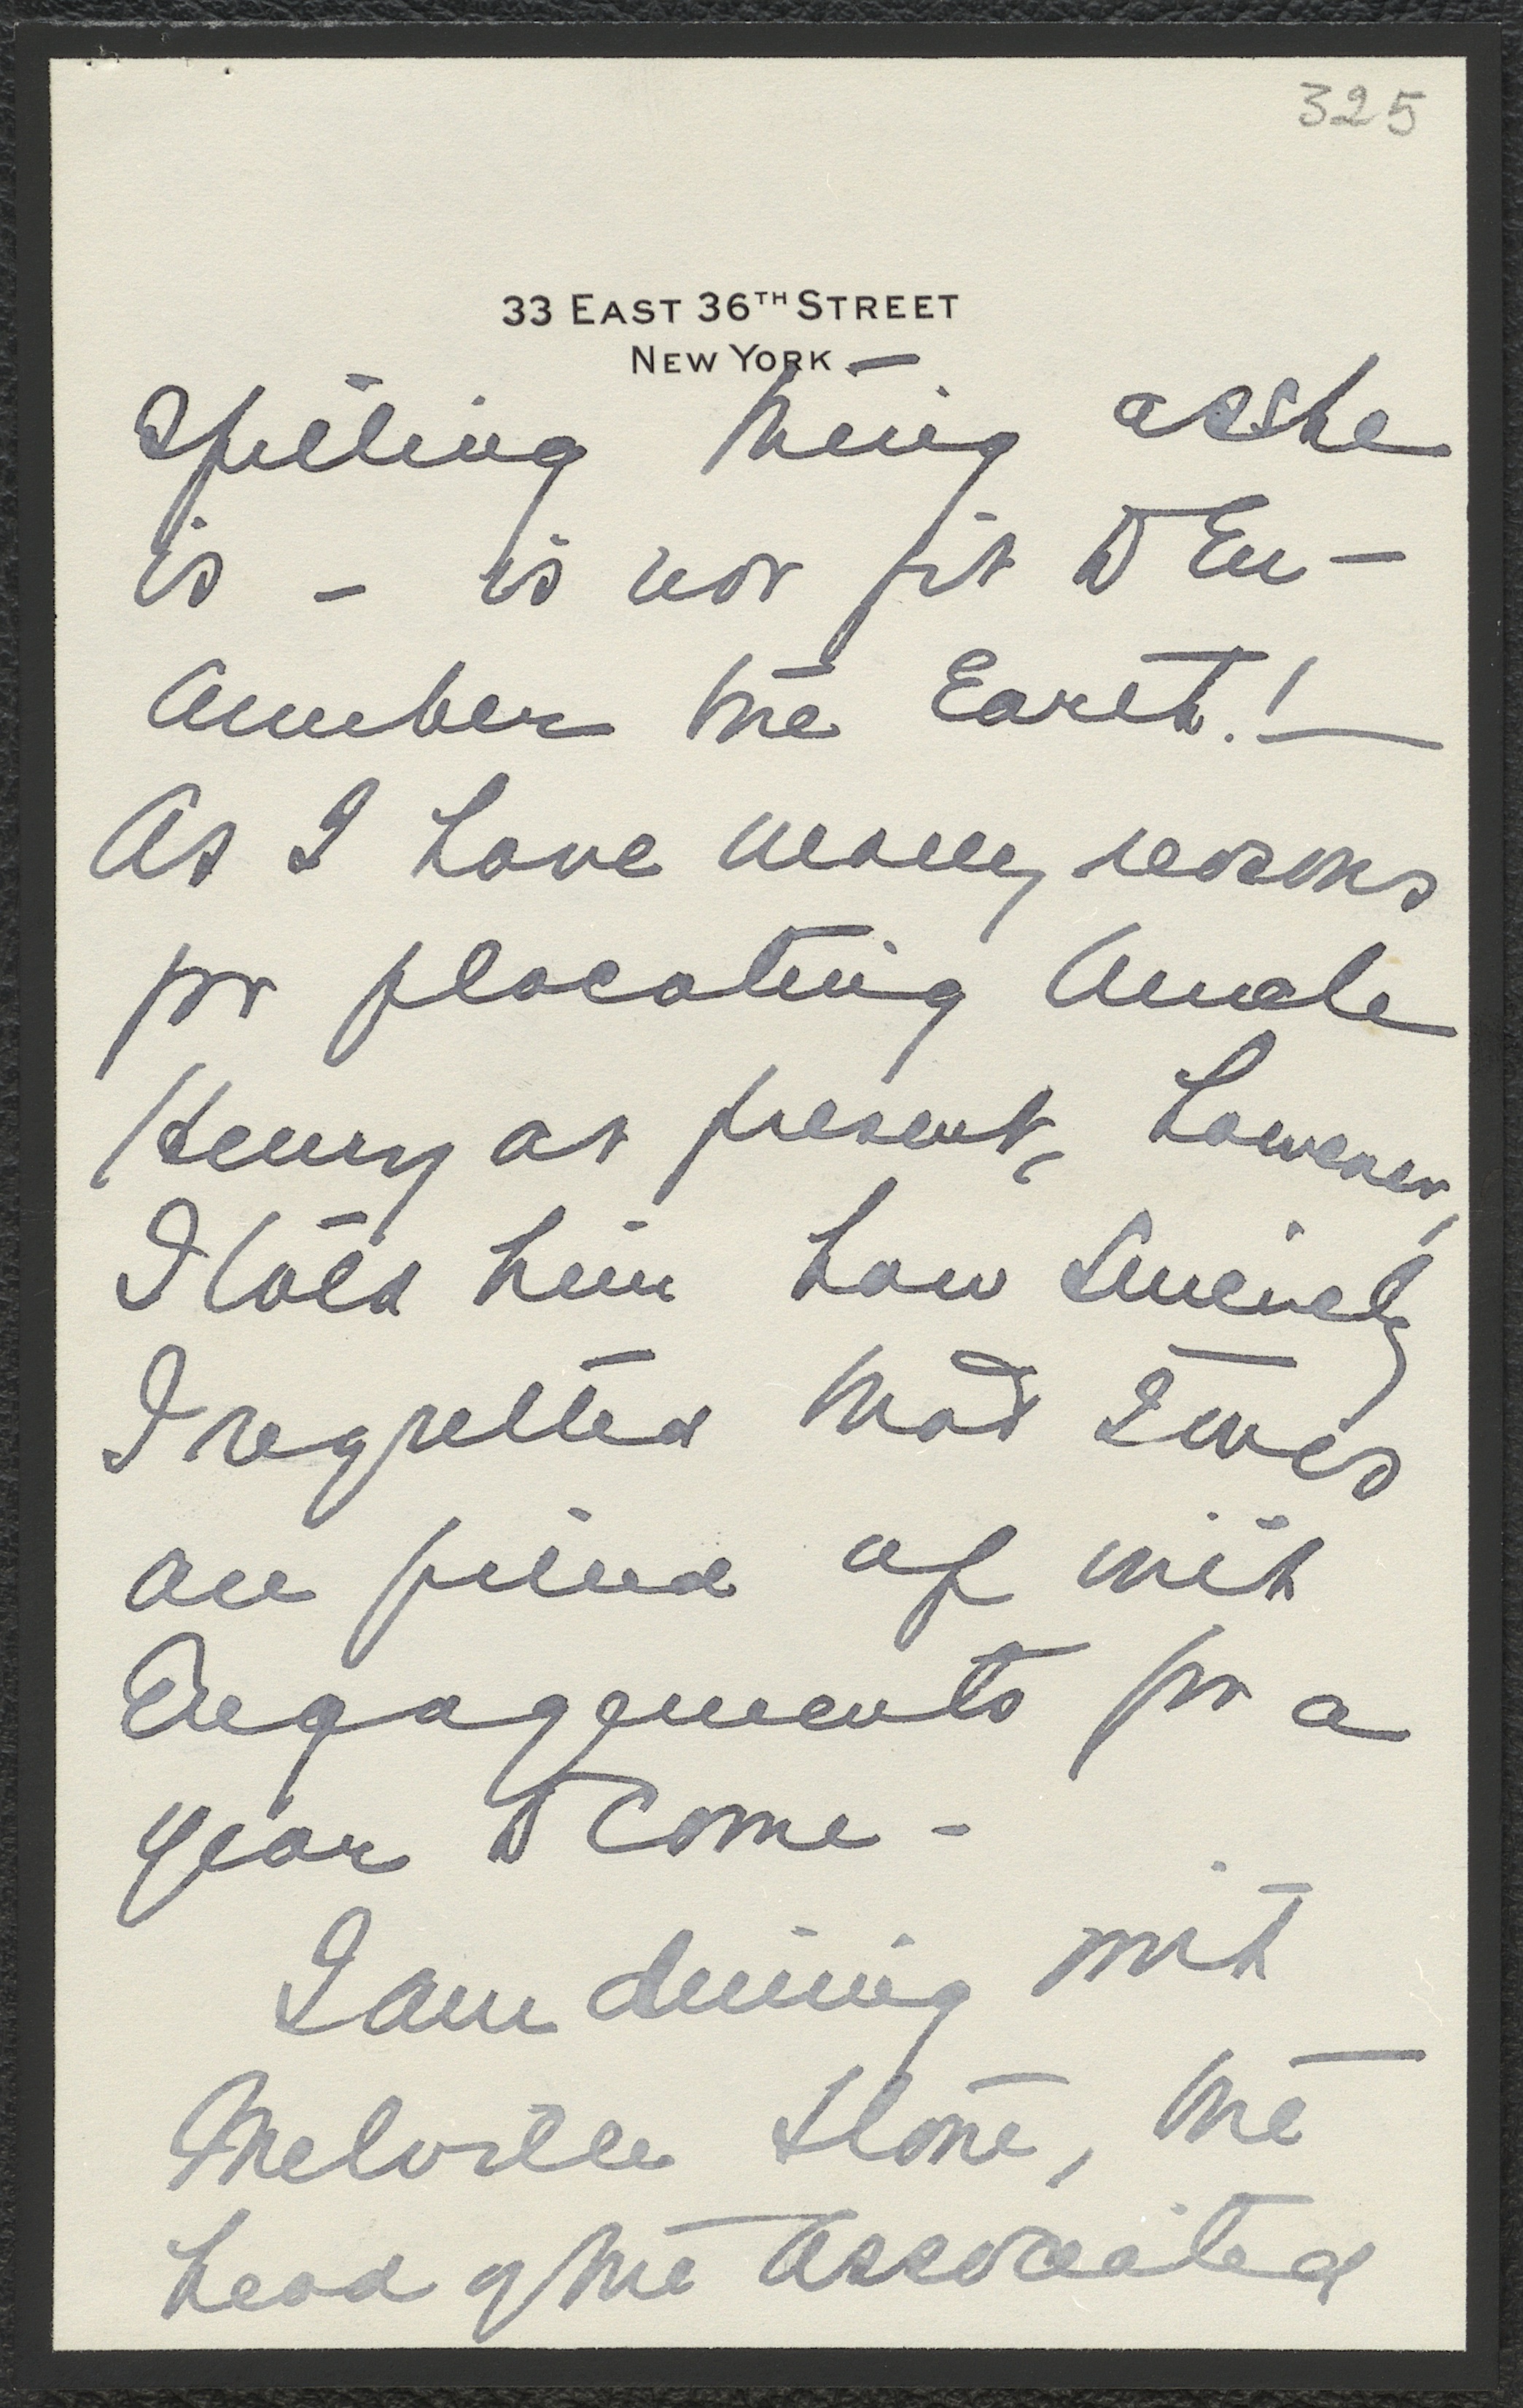spilling thing as she is – is not fit to encumber the Earth! – As I have many reasons for placating Uncle Henry at present, however, I told him how sincerely I regretted that I was all filled up with engagements for a year to come –
I am dining with Melville Stone, the head of the Associated